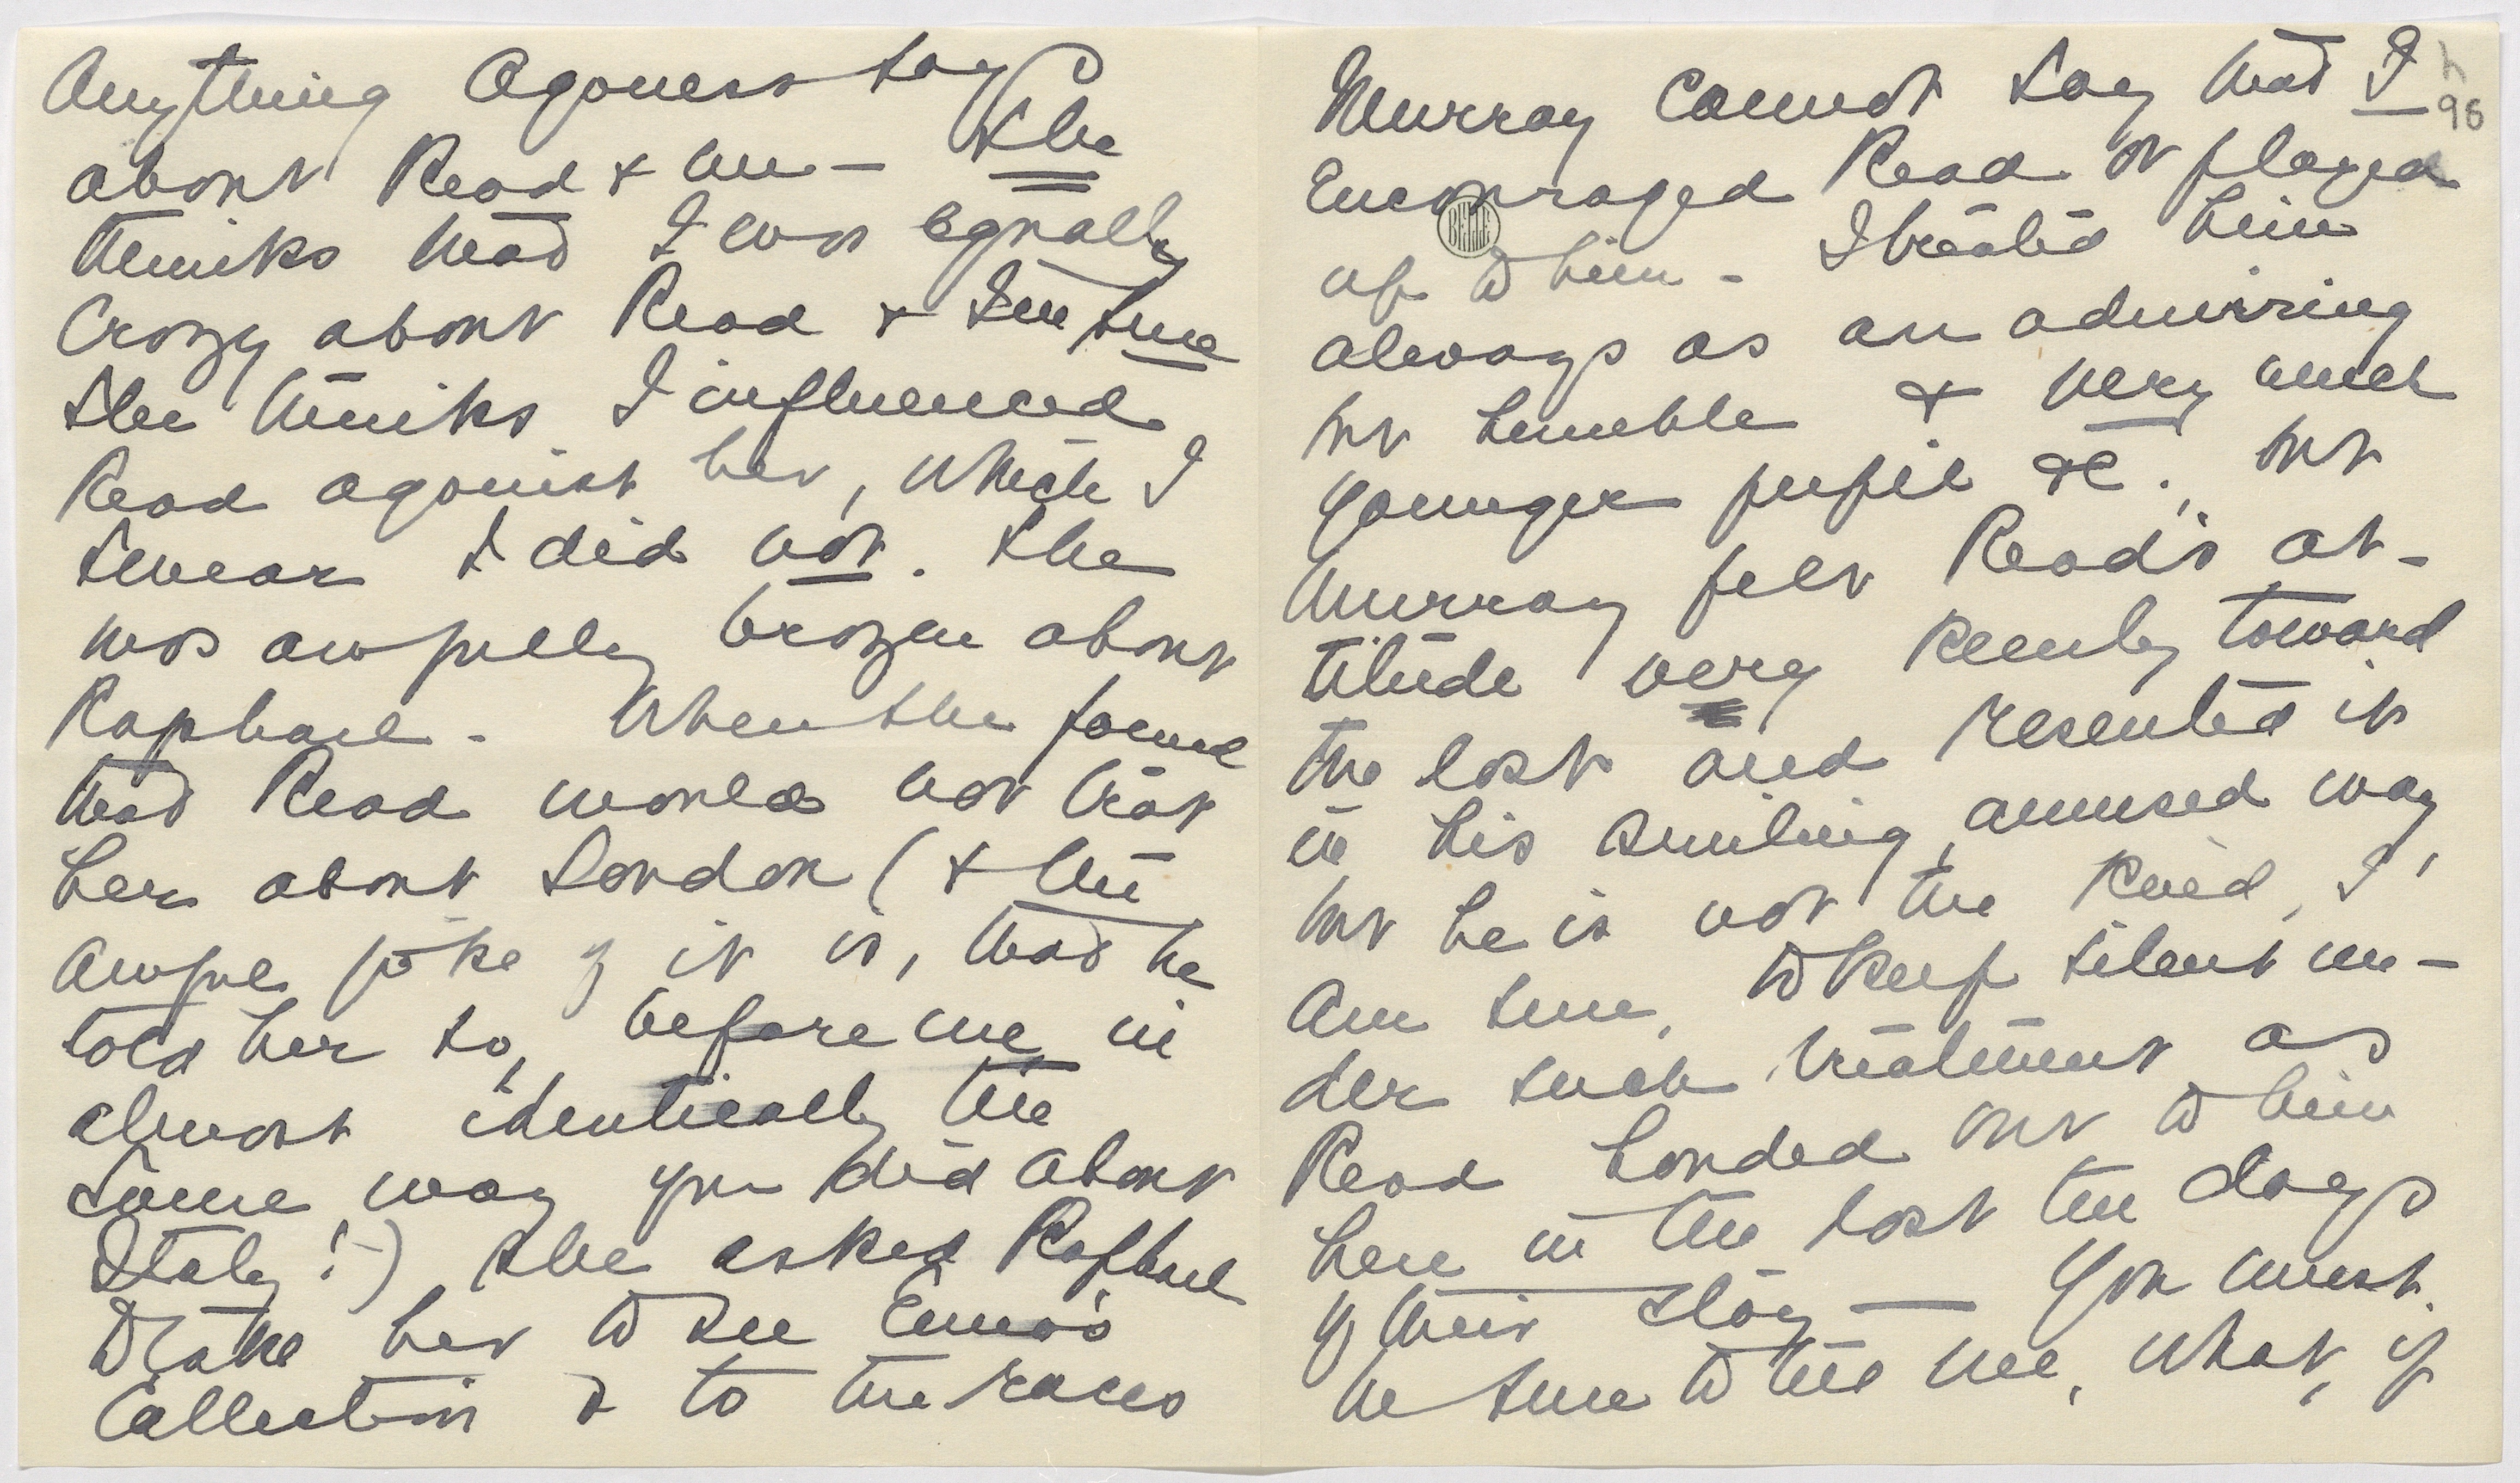Murray cannot say that I encouraged Read or played up to him – I treated him always as an admiring but humble & very much younger pupil &c., but Murray felt Read’s attitude [quadruple underlined: very] keenly toward the last and resented it in his smiling, amused way, but he is not the kind, I am sure, to keep silent under such treatment as Read handed out to him here in the last ten days of their stay – You must be sure to tell me, what, if
anything Agoness says about Read & me – [double underlined: she] thinks that I was equally crazy about Read & I’m sure she thinks I influenced Read against her, which I swear I did not. She was awfully brazen about Raphael – When she found that Read would not trot her about London (& the awful joke of it is, that he told her so, before me, in almost identically the same way you did about Italy!) she asked Raphael to take her to see Enno’s collection & to the races